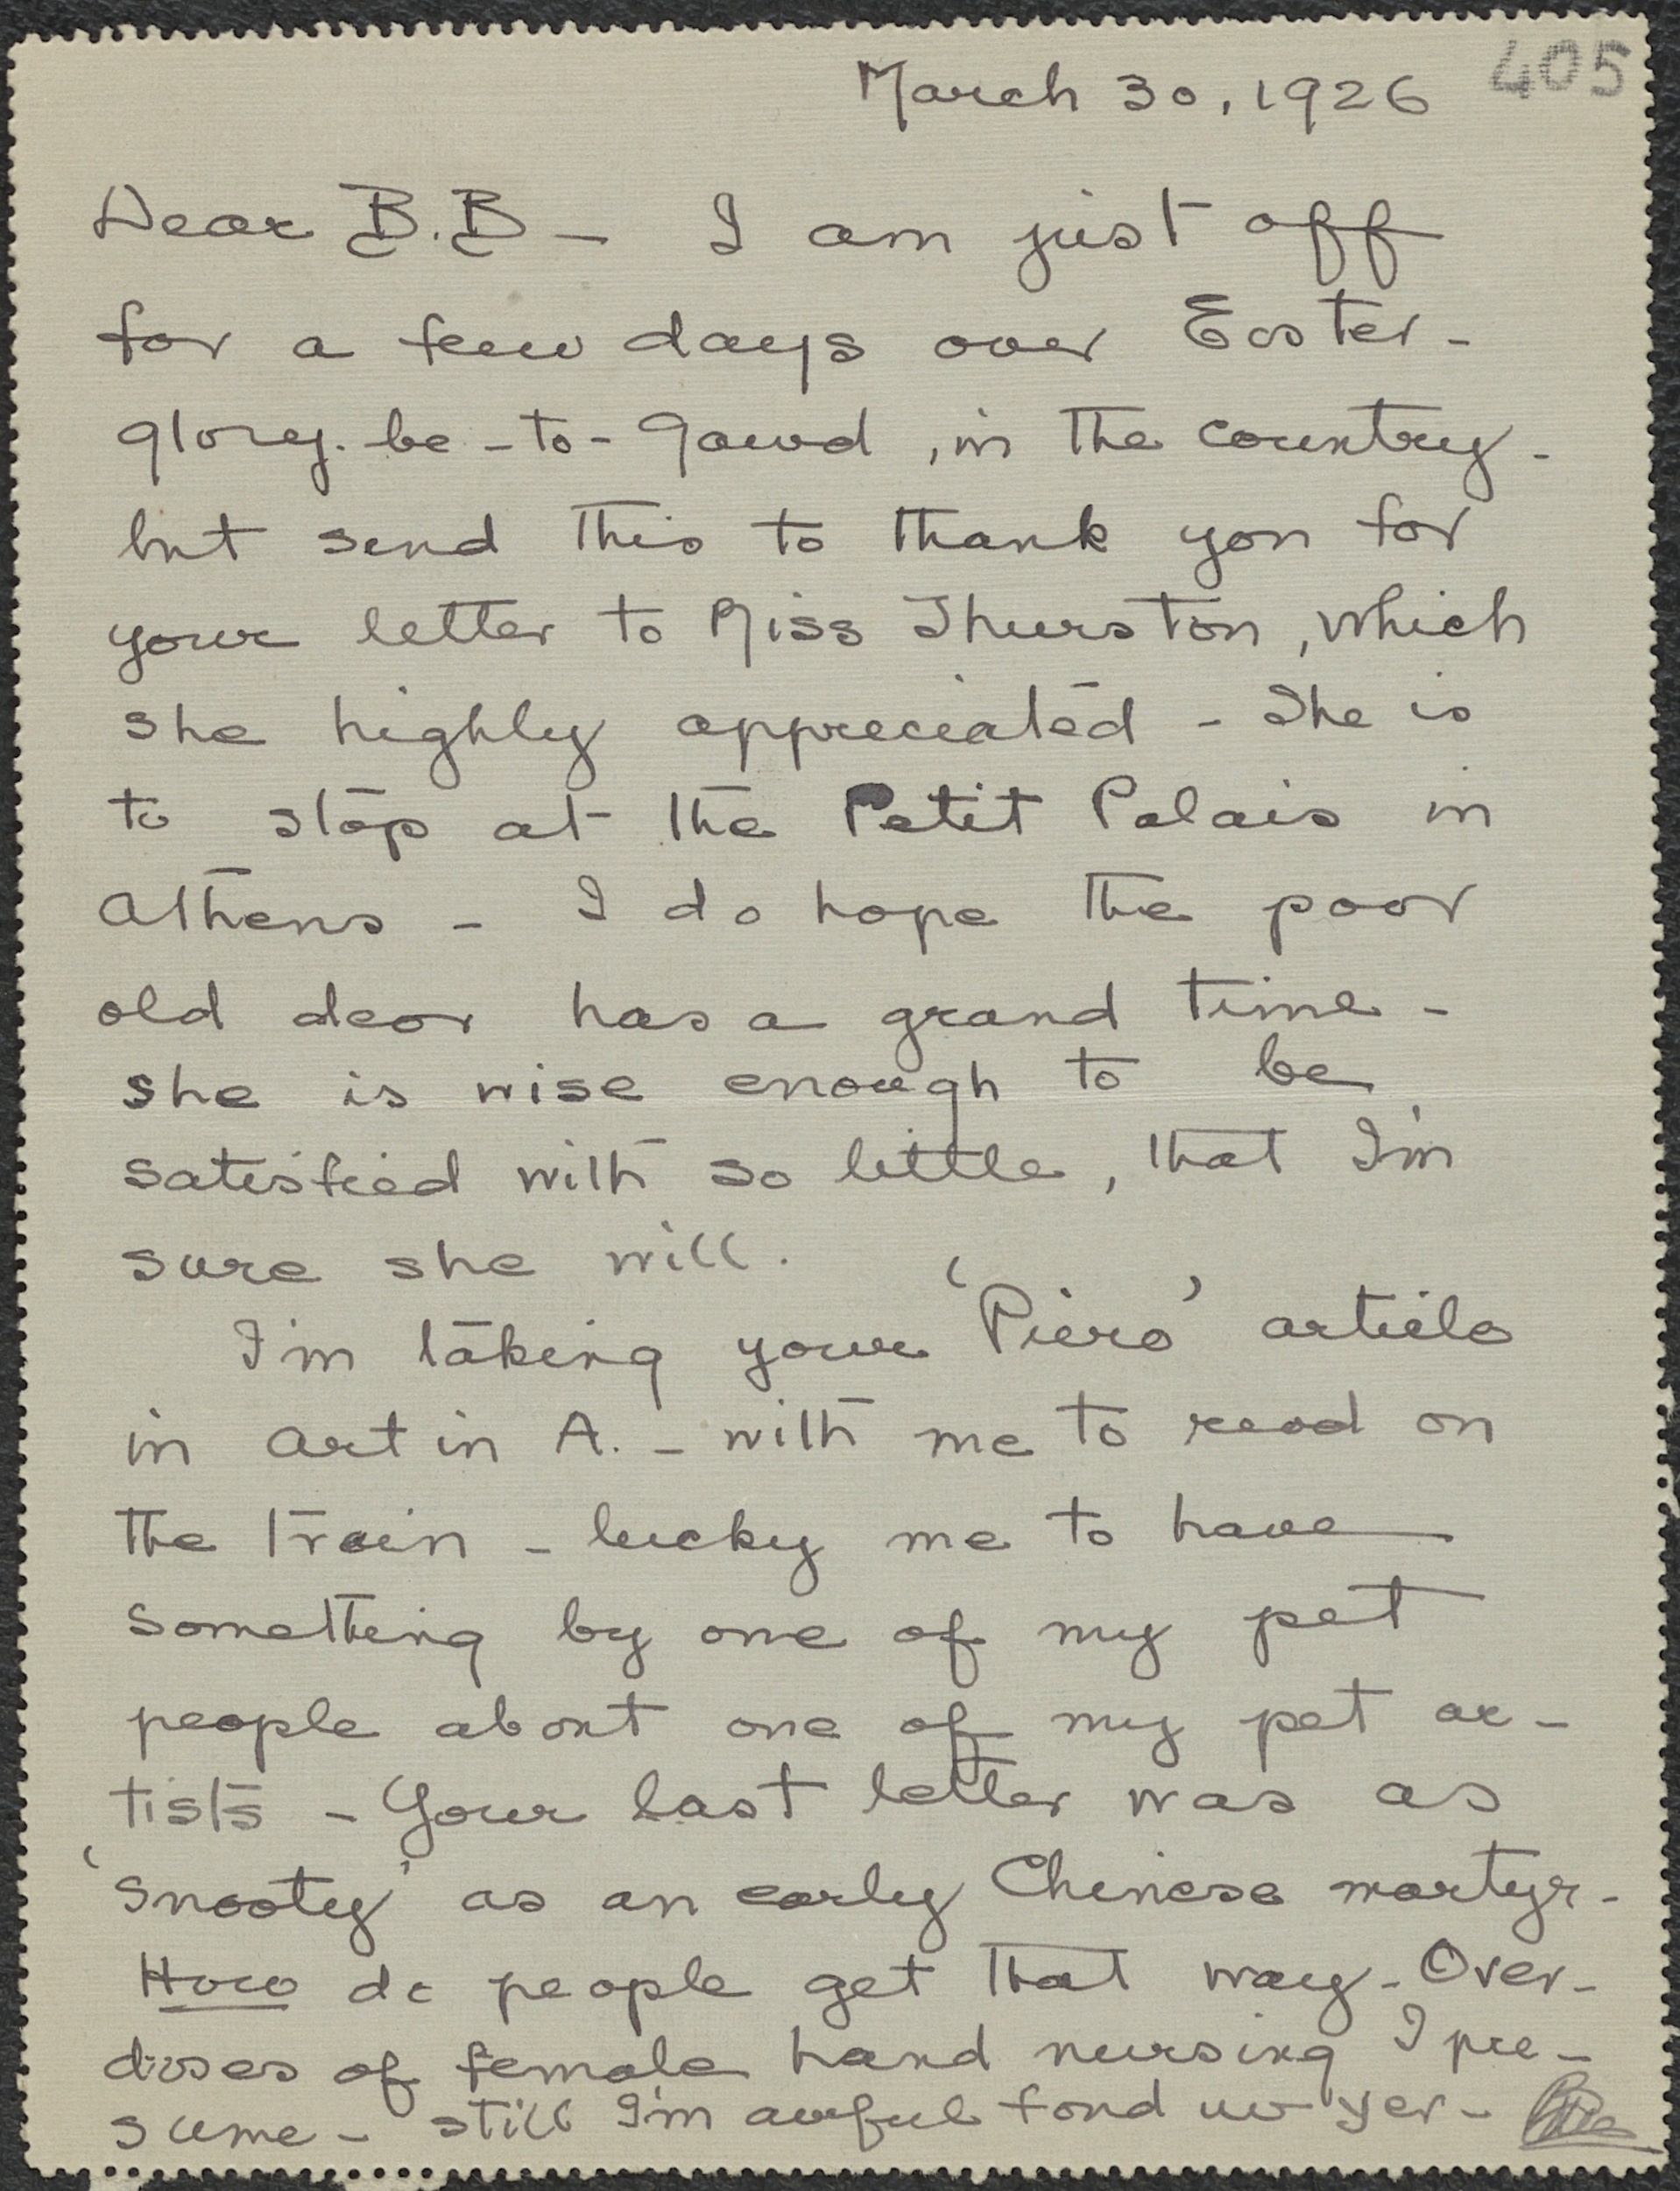March 30, 1926
Dear B.B. – I am just off for a few days over Easter – glory-be-to-Gawd, in the country – but send this to thank you for your letter to Miss Thurston, which she highly appreciated – She is to stop at the Petit Palais in Athens – I do hope the poor old dear has a grand time – she is wise enough to be satisfied with so little, that I’m sure she will.
I’m taking your ‘Piero’ article in Art in A. ___ with me to read on the train – lucky me to have something by one of my pet people about one of my pet artists – your last letter was as ‘snooty’ as an early Chinese martyr – How do people get that way – Overdoses of female hand nursing I presume – still I’m awful fond uv yer -Belle